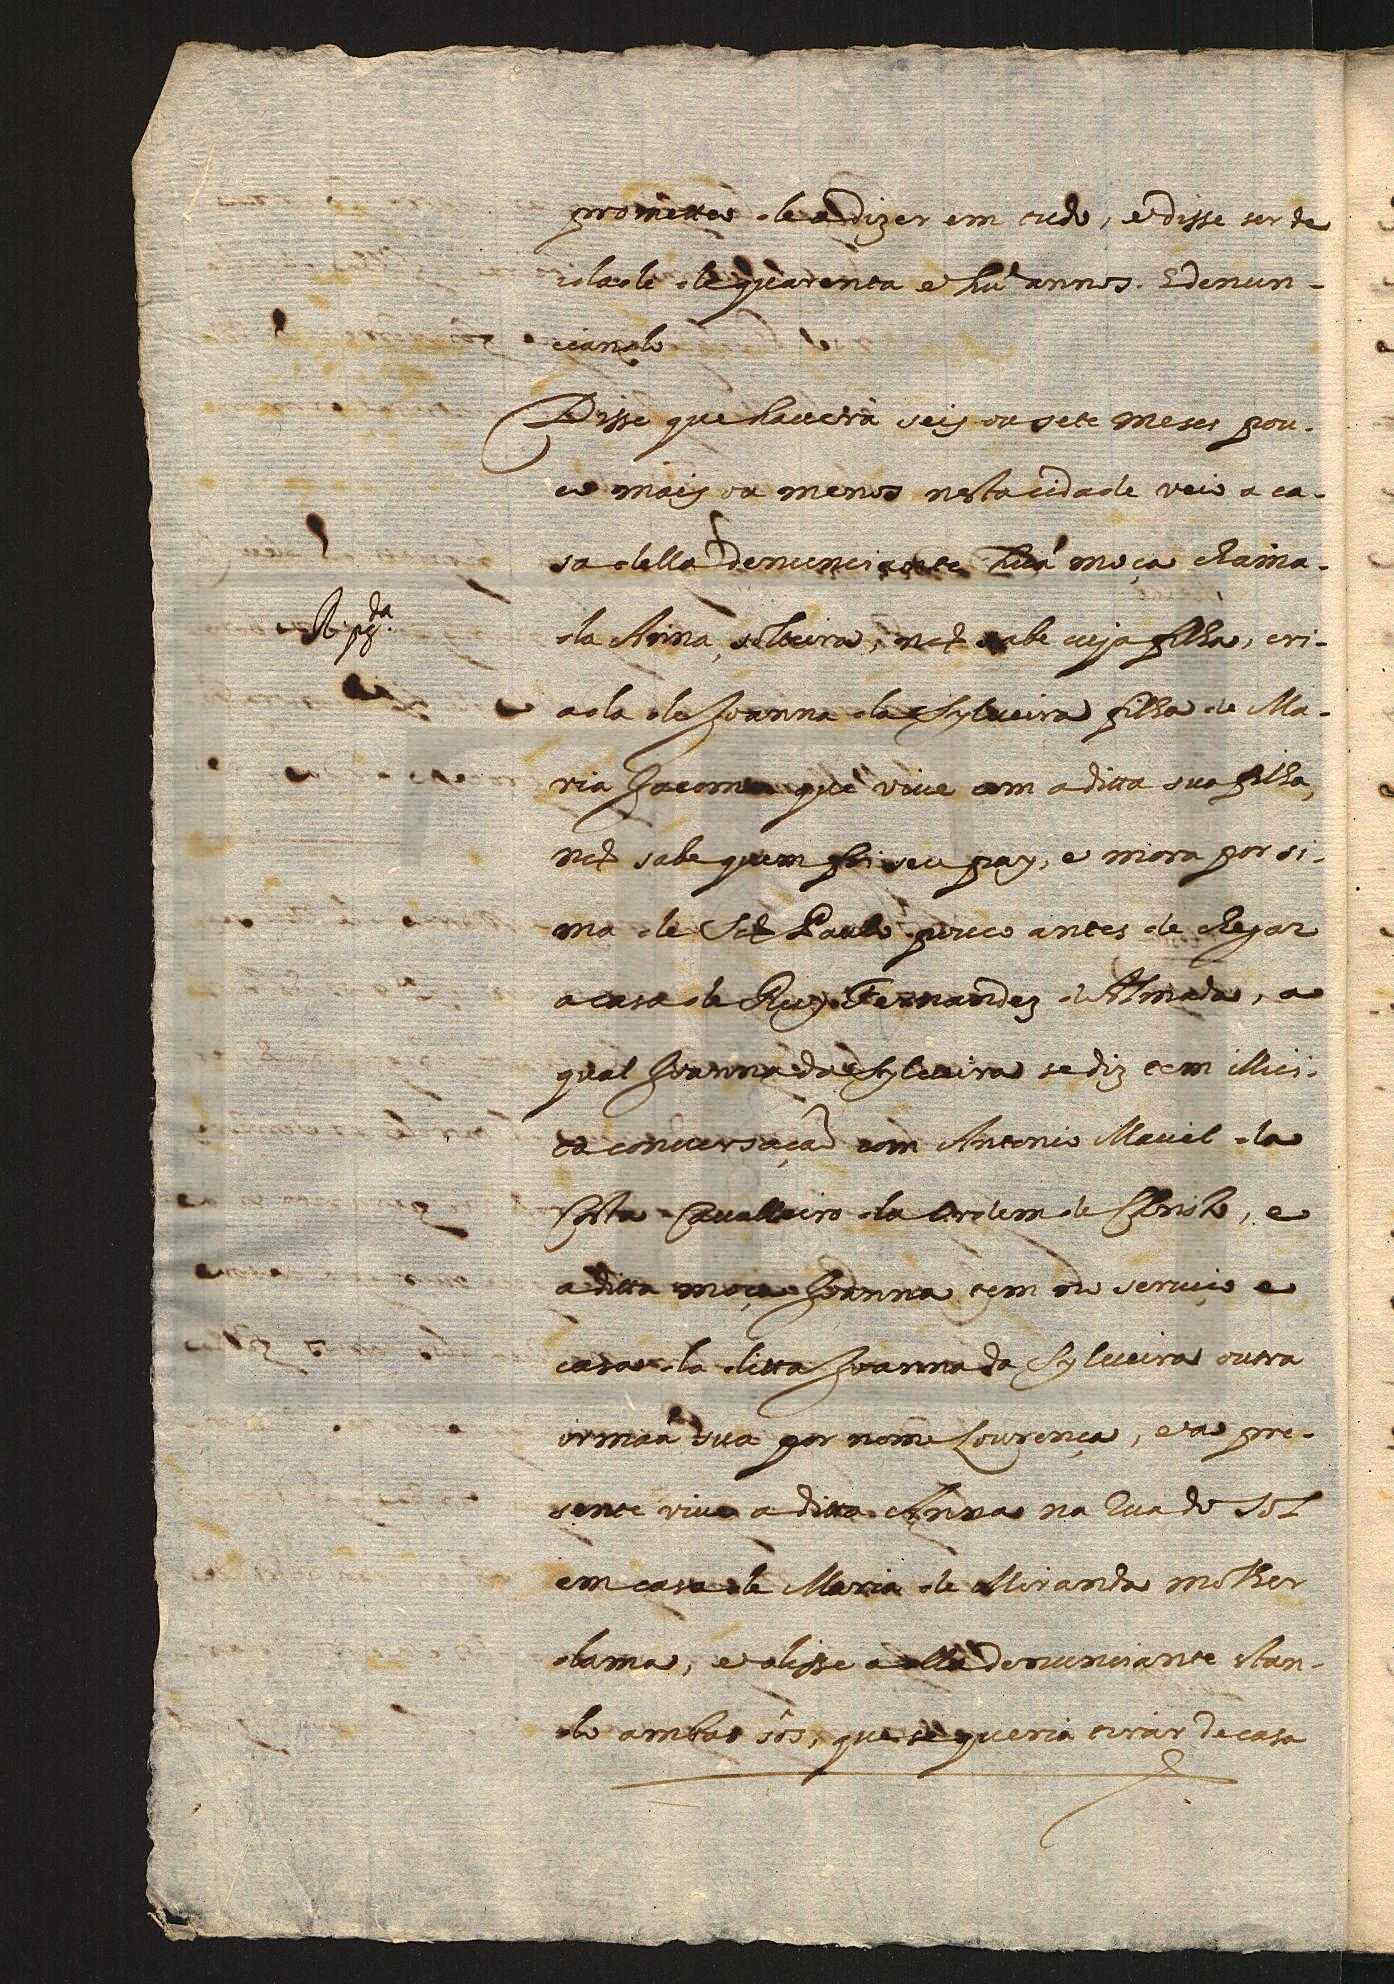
prometteo de a dizer em tudo, e disse ser de
idade de quarenta e hū annos. E denun
ciando
Disse que hauera seis ou sete meses pou
co mais ou menos nesta cidade veio a ca
sa della denunciante huā moça chama
da Anna, solteira, naõ sabe cuja filha, cri
ada de Joanna da Sylueira filha de Ma
ria Jacome que viue com a ditta sua filha,
naõ sabe quem foi seu pay, e mora por si
ma de Saõ Paulo pouco antes de chegar
a casa de Ruy Fernandez de Almada, ao
qual Joanna da Sylveira se diz tem illici
ta conuersaçaõ com Antonio Maciel da
Costa Cavalleiro da Ordem de Christo, e
a ditta moça Joanna tem no serviço e
casa da ditta Joanna da Sylveira outra
irmaã sua por nome Lourença, e ao pre
sente viue a ditta Anna na Rua do Sol
em casa de Maria de Miranda molher
dama, e disse a ella denunciante estan
do ambas sôs, que se queria tirar de casa
